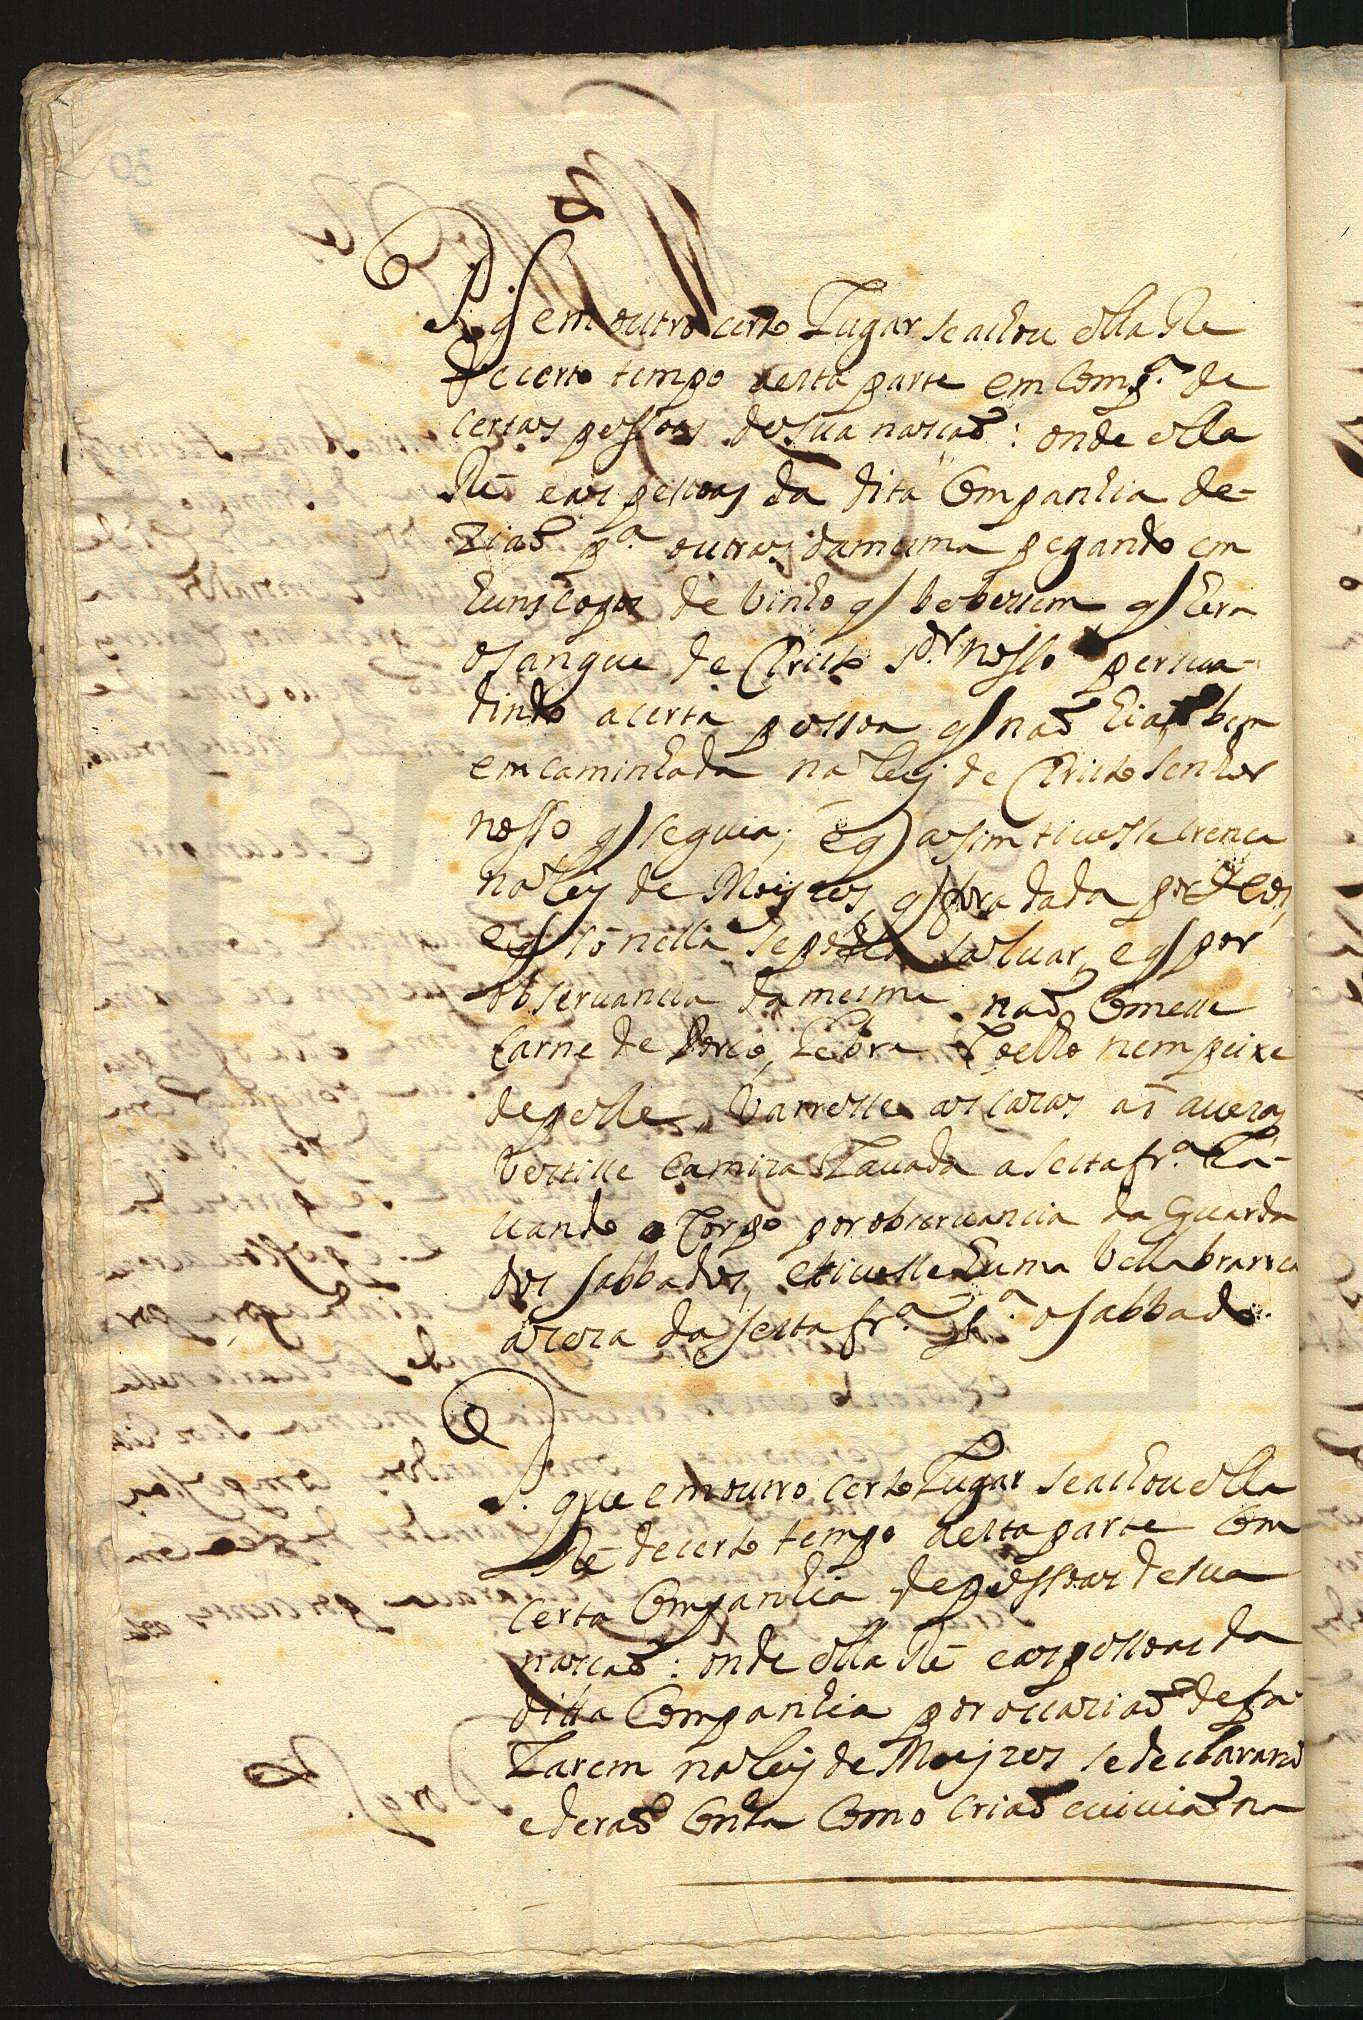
P. q̄ em outro certo Lugar se achou ella Re
de certo tempo a esta parte em comp.a de
certas pessoas de sua nazçaõ: onde ella
Ré e as pessoas da dita Companhia de
Ziaõ p.a outras da mesma pegando em
huns copos de vinho q̄ bebessem q̄ hera
o sangue de Christo s.or nosso persua
dindo a certa pessoa q̄ naõ hia bem
emcaminhada na lej de Christo senhor
nosso q̄ seguia; e q̄ asim tiuesse crença
na ley de Moyzes, q̄ fora dada por Deos,
e q̄ só nella se podia saluar, e q̄ por
obseruancia da mesma naõ Comesse
Carne de Porco, Lebre Coelho nem peixe
de pelle, varrezse as cazas as auezas
veztisse camiza Lauada a sesta fr.a La
uando o Corpo por obseruancia da Guarda
dos sabbados, e tiuesse huma vella branca
azeza da sesta fr.a p.a o sabbado:
P. que em outro certo Lugar se achou ella
Ré de certo tempo desta parte com
certa Companhia de pessoaz de sua
nazçaõ: onde ella Ré e as pessoas da
ditta Companhia por occaziaõ de fa
Larem na ley de Moyzes se declararaõ
e deraõ Conta Como criaõ e uiuiaõ na
